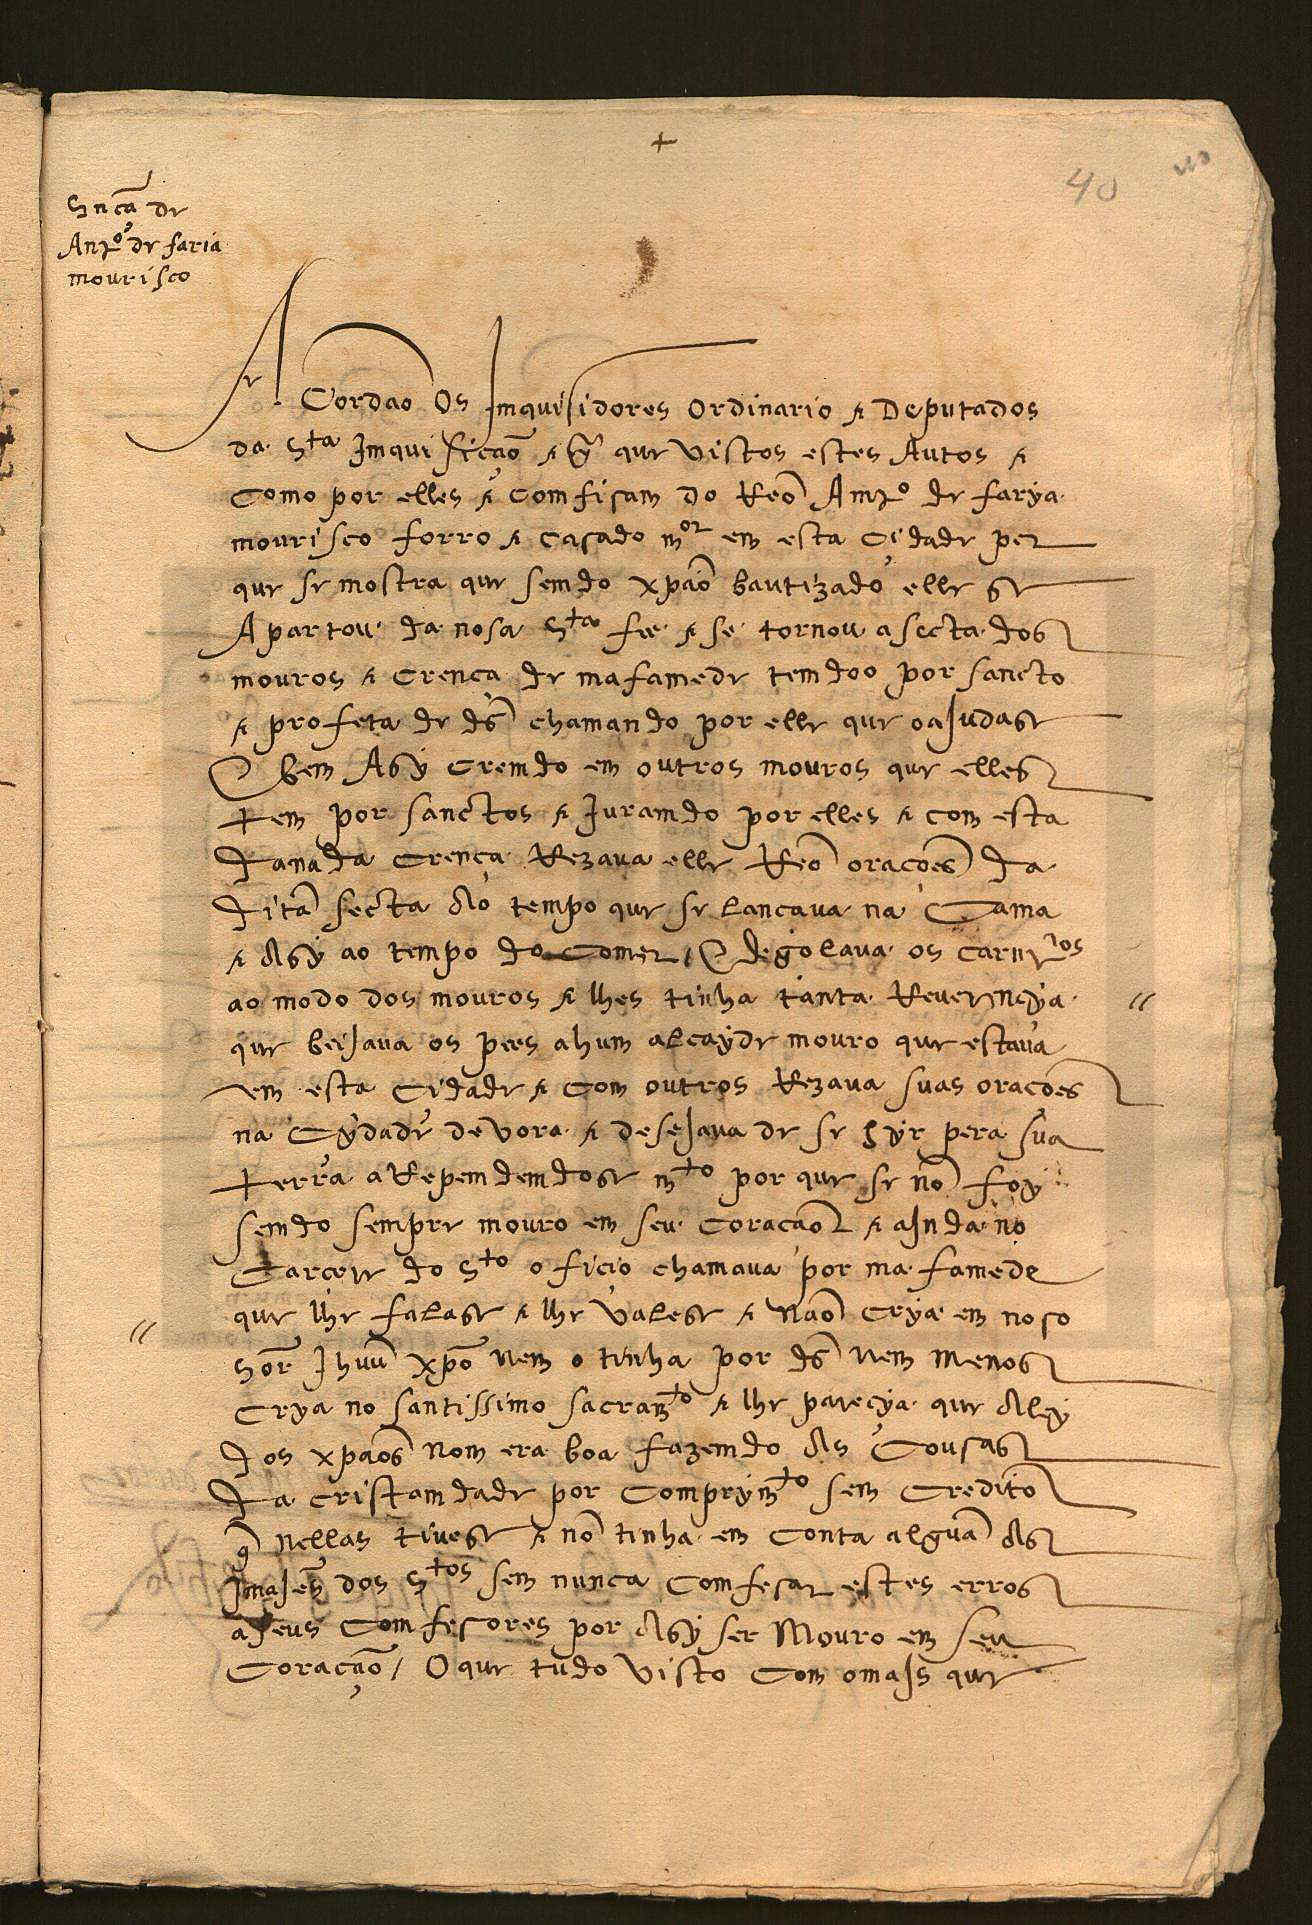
Snçā de
Anto de faria
mourisco
Acordão os Jmquisidores ordinario e Deputados
da Sta Jmquisiçaõ e c̄ꝭ que Vistos estes Autos e
Como por elles e comfisam do Rēo Amto de farya
mourisco forro e casado mor em esta cidade per
que se mostra que semdo xpão bautizado elle se
Apartou da nosa Sta fee e se tornou a secta dos
mouros e crença de mafamede temdoo por sancto
e profeta de ds̄ chamando por elle que o aJudase
e bem Asy cremdo em outros mouros que elles
tem por Sanctos e Juramdo por elles e com esta
danada crença Rezaua elle Rēo orações da
ditā secta Ao tempo que Se lançaua na Cama
e Asy ao tempo do comer / e degolaua os carnros
ao modo dos mouros e lhes tinha tanta Reuerencya
que beiJaua os pees a hum alcayde mouro que estaua
em esta Cidade e com outros Rezaua suas orações
na Cydade devora e deseJaua de Se hyr pera Sua
terra aRepemdemdose mto porque Se n̄o foy
Semdo Sempre mouro em Seu coração e aJnda no
Carcere do Sto oficio chamaua por mafamede
que lhe falase e lhe Valese e não crya em noso
Sōr Jhuū xpō nem o tinha por ds̄ nem menos
crya no Santissimo Sacramto e lhe parecya que A ley
dos xpaõs nom era boa fazemdo As Cousas
da cristamdade por Comprymto Sem Credito
q̄ nellas tiuese e nō tinha em Conta alguā As
JmaJēs dos Stos Sem nunca Comfesar estes erros
a seus Comfesores por Asy Ser Mouro em Seu
Coração / O que tudo Visto Com o maJs que
